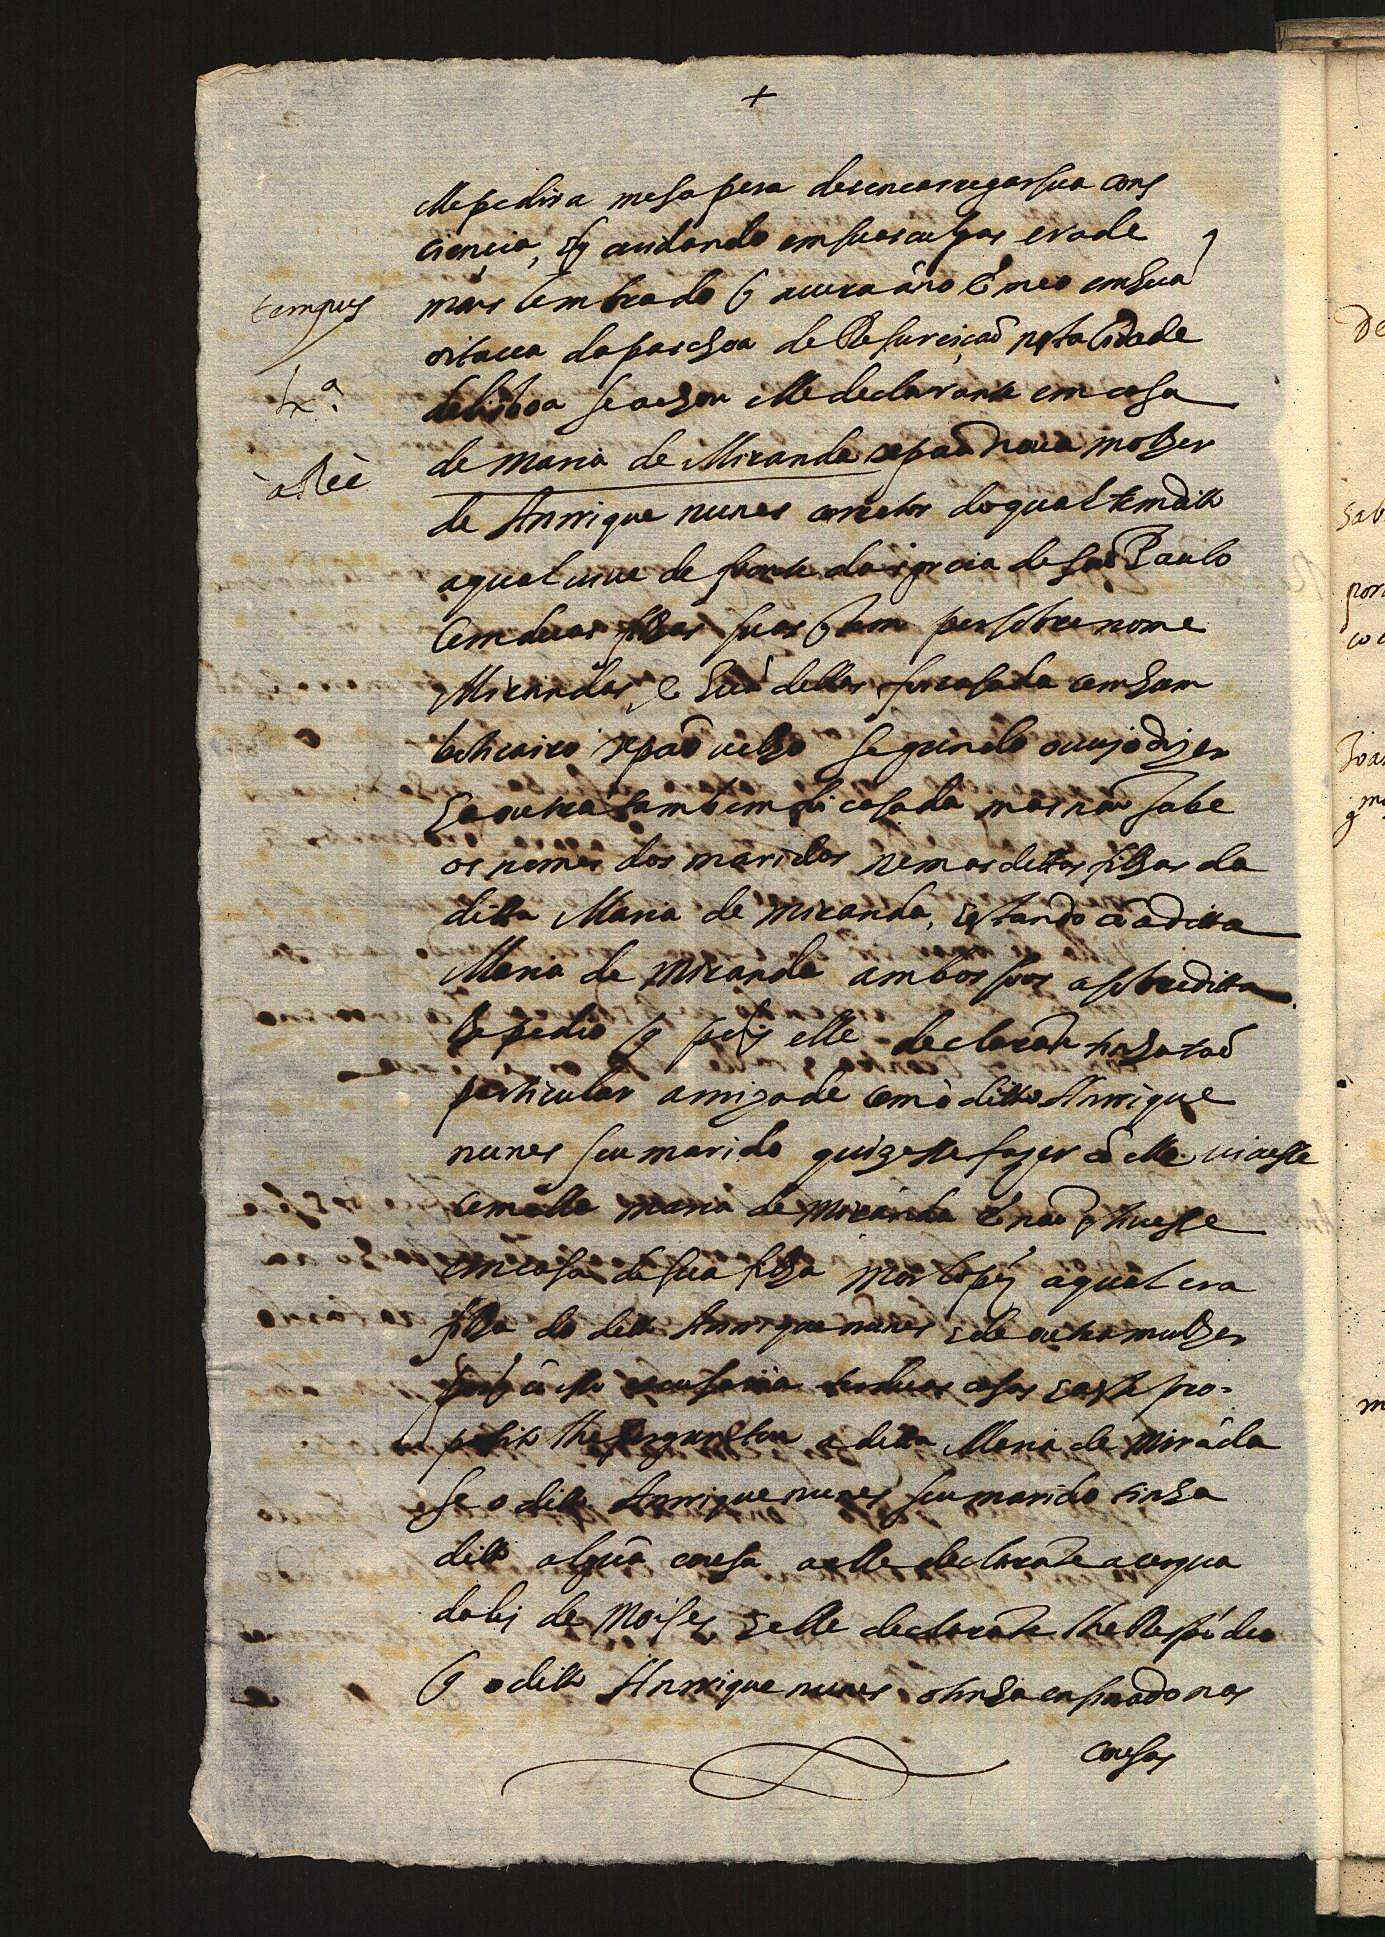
elle pedira mesa pera desencarregar sua cons
ciençia, E q̄ cuidando em suas culpas era de
mais lembrado q̄ auera āno & meo em huā
oitaua da paschoa de Resureiçaõ nesta Cidade
de lisboa se achou elle declarante em casa
de maria de Miranda xpaã noua molher
de Anrrique nunes corector do qual tem ditto
a qual uiue de fronte da igreja de saõ Paulo
Com duas filhas suas q̄ tem por sobrenome
Mirandas e huā dellas foi casada com hum
boticairo xpaõ uelho segundo ouuio dizer
E a outra tambem foi casada mas naõ sabe
os nomes dos maridos nem as dittas filhas da
ditta Maria de miranda, E estando cō a ditta
Maria de miranda ambos soos a sobreditta
lhe pedio q̄ porq̄ elle declarāte tinha taõ
particular amizade com o ditto Anrrique
nunes seu marido quizesse fazer cō elle uiuesse
com ella maria de miranda e naõ estiuesse
em casa de sua filha ma lopez̄ a qual era
filha do ditto Anrrique nunes E de outra mulher
porq̄ cō isso escusaria ter duas casas E este pro
posito lhe perguntou a ditta Maria de mirāda
se o ditto Anrrique nunes seu marido tinha
ditto alguā cousa a elle declarāte acerqua
da lej de Moises E elle declarāte lhe Respōdeo
q̄ o ditto Anrrique nunes o tinha ensinado nas
cousas
